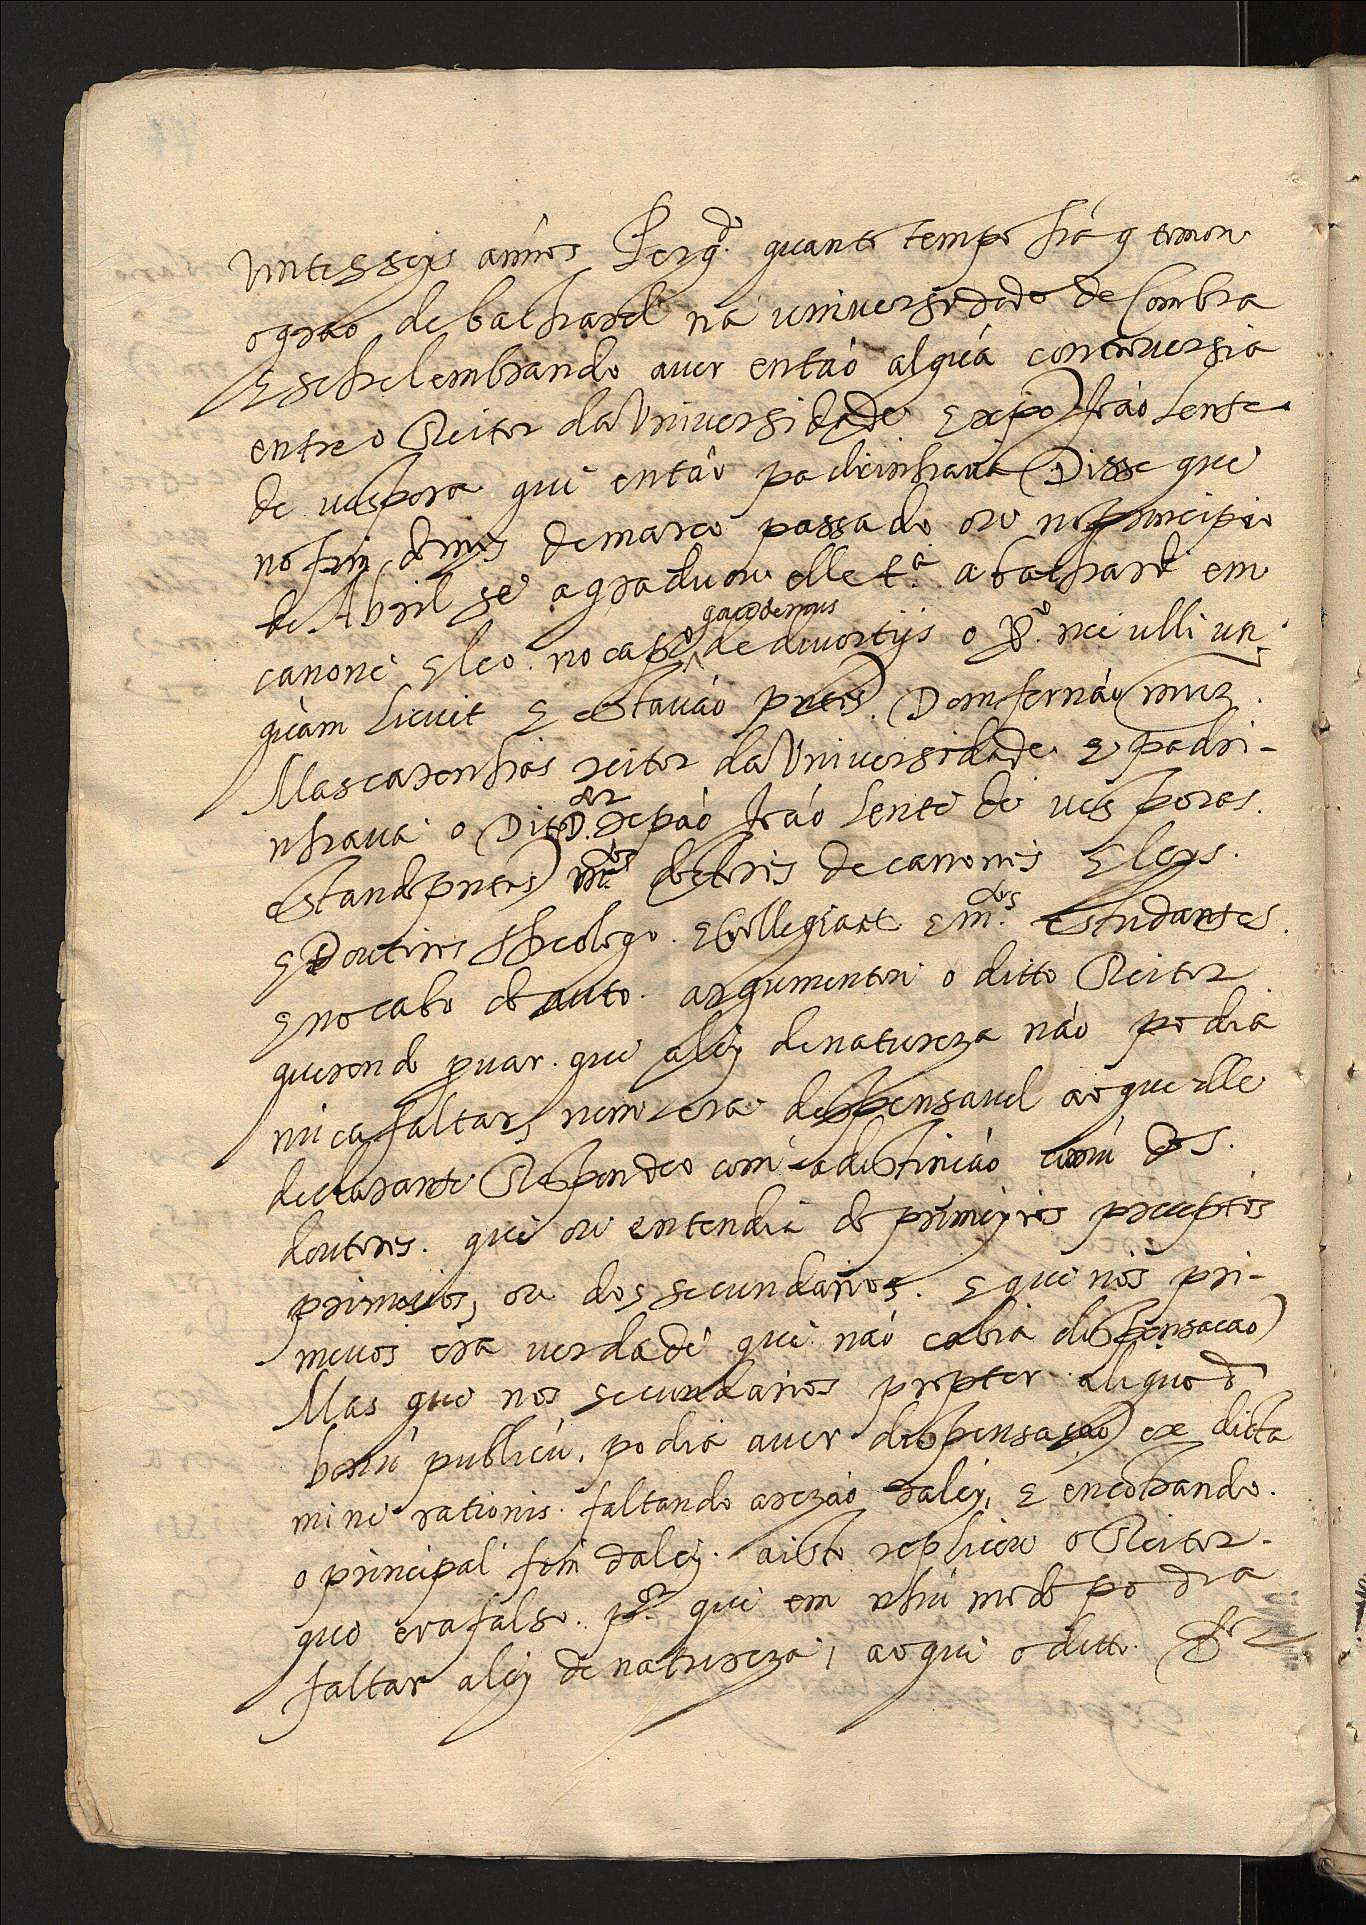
vinte E seys annos Perg.do quanto tempo ha q̄ tomou
o grao de bacharel na uniuersidade de Coinbra
E se he lembrando auer entaõ alguā controuersia
entre o Reitor da Vniuersidade E xpō Joaõ Lente
de uespora que entaõ padrinhaua Disse que
no fim do mes de março passado ou no principio
de Abril se agraduou elle t.a a bacharel em
gaudemus
canone E leo no cap.o de diuortijs o ꝟ.o mi ulli un
quam Licuit E estauão pntēs. Dom fernão m̄iz
Mascarenhas reitor da Vniuersidade E padri
nhaua o Dito D.tor xpaõ João Lente de uesporas
estando pntēs m.tos doctores de canones E leys
E Doutores theologo. E Collegiaes E m.tos estudantes
E no cabo do auto. argumentou o ditto Reitor
querendo ꝓuar. que a ley de natureza naõ podia
nūca faltar, nem era despensauel ao que elle
declarante Respondeo com a destinção comū dos
doutores. que ou entendia do primeyros preceptos
primeuos, ou dos secundarios. E que nos pri
meuos era uerdade que naõ cabia dispensacaõ
Mas que nos secundarios propter aliquod
bonū publicū. podia auer dispensacaõ ex dicta
mini rationis. faltando a rezão da ley, E encōtrando
o principal fim da ley. a isto replicou o Reitor
que era falso. p.or qui em nhū modo podia
faltar a ley de natureza / ao qui o ditto Dtor
